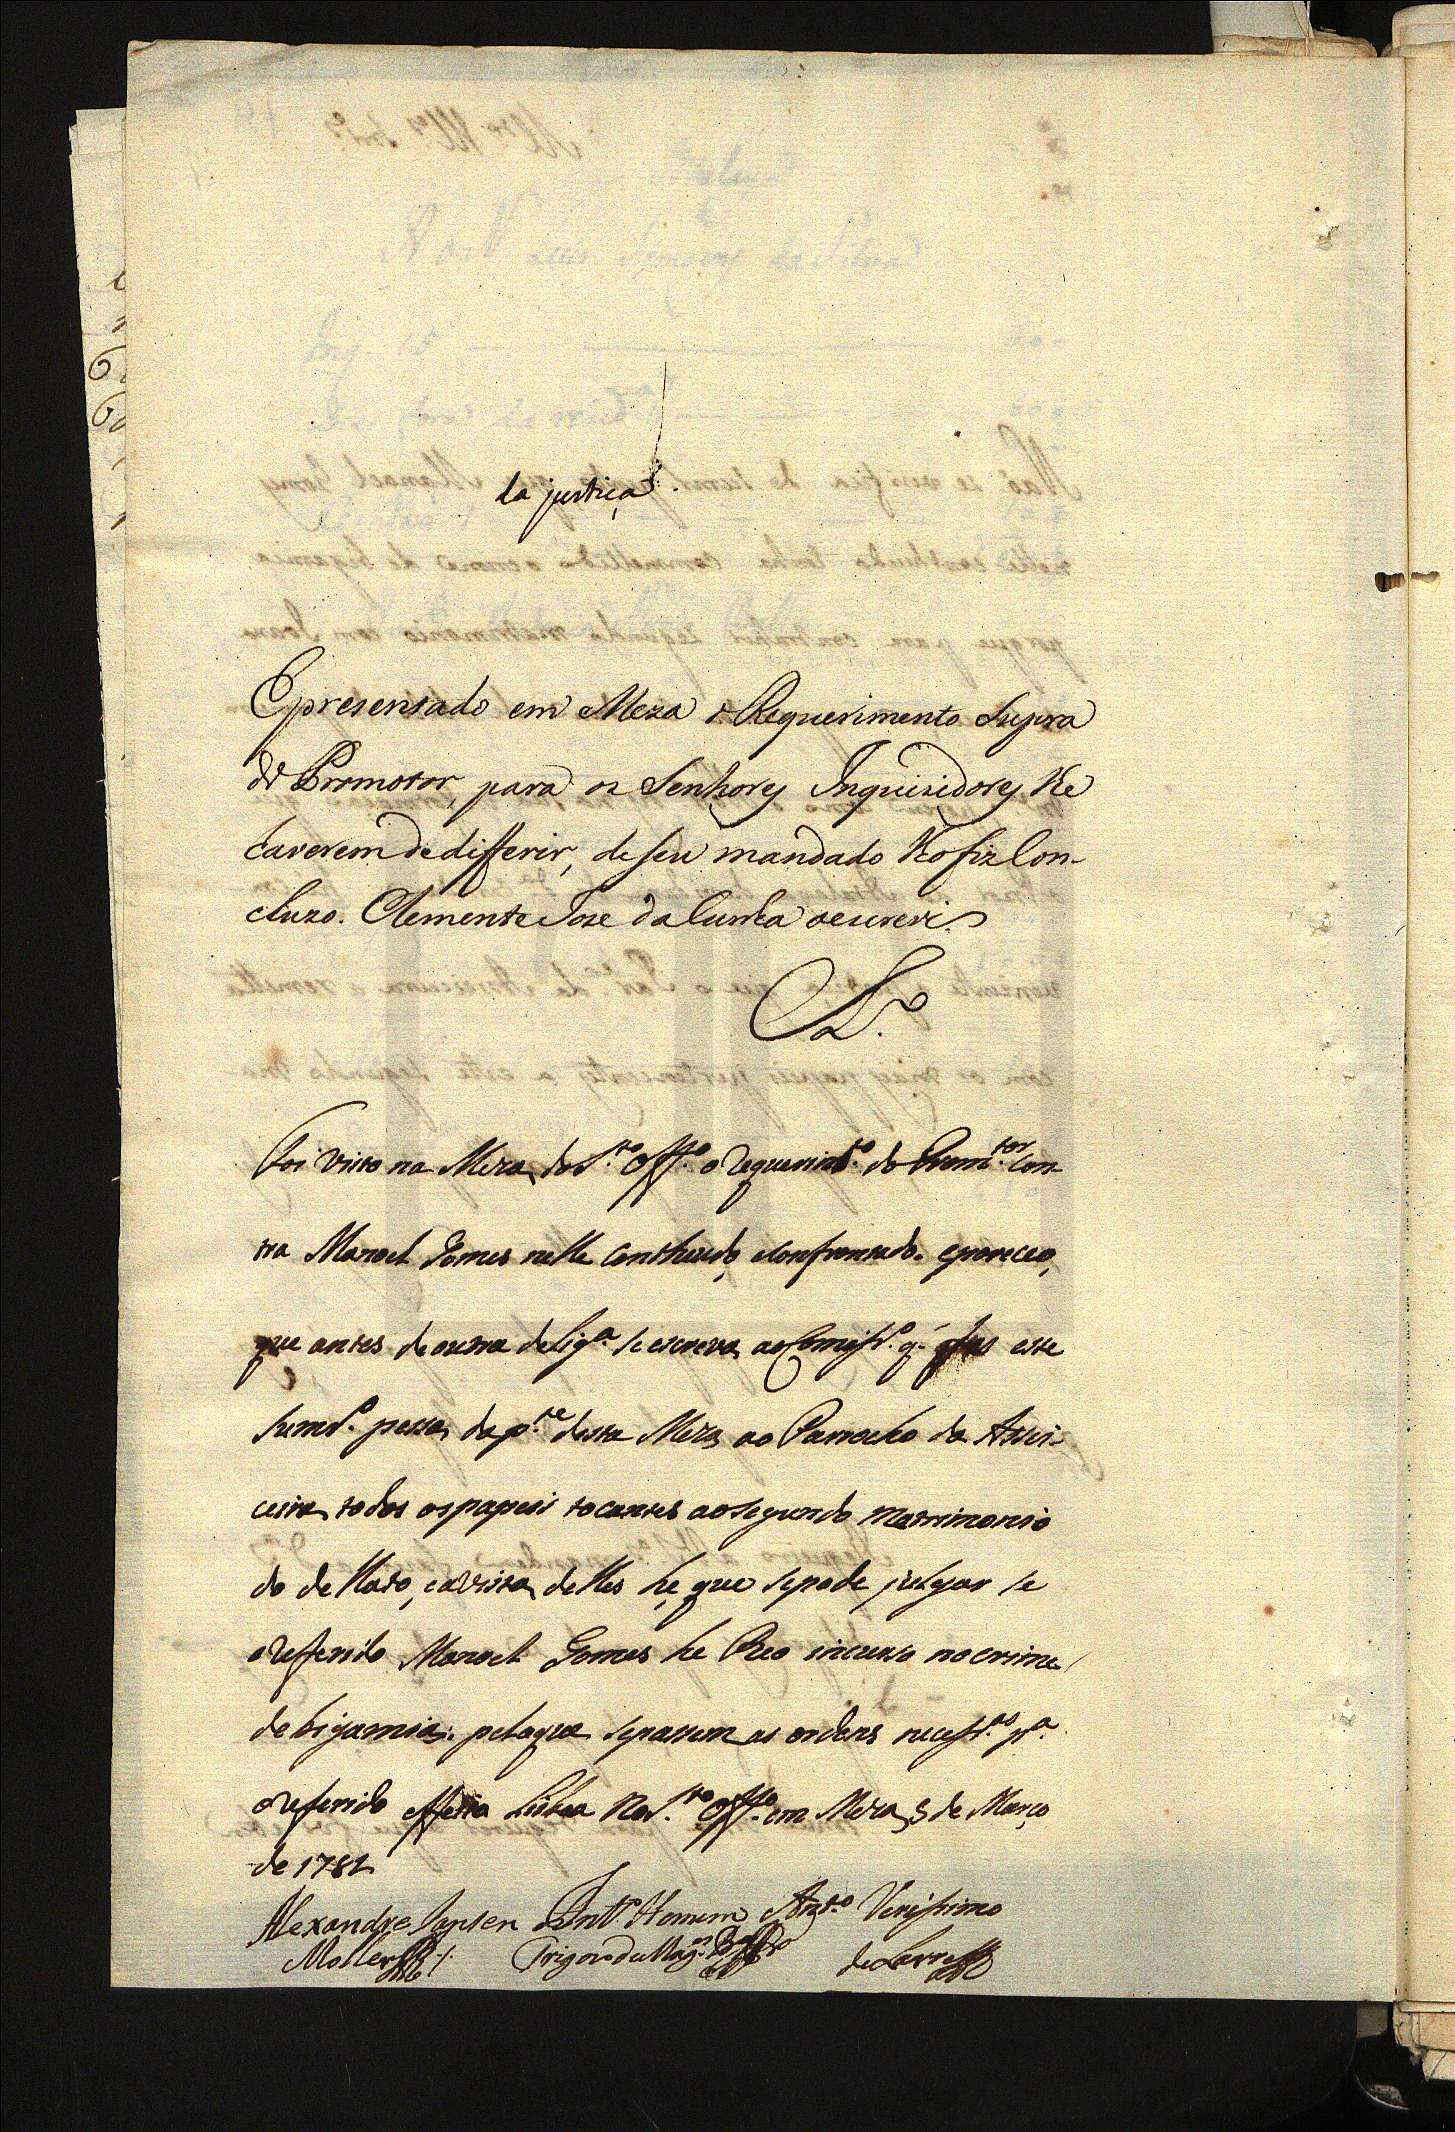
da justiça
E presentado em Meza o Requerimento Supra
do Promotor, para os Senhores Inquizidores lhe
haverem de differir, de seu mandado lho fiz Con
cluzo. Clemente Ioze da Cunha o escrevi
Foi visto na Meza do S.to off.o o Requerimt.o do Prom.tor com
tra Manoel Gomes nelle contheudo, e confrontado. e pareceo,
que antes de outra delig.a se escreva ao Comisr.o q̄ fes este
sumr.o pessa da p.te desta Meza ao Parrocho da Assei
ceira todos os papeis tocantes ao segundo matrimonio
do dellato, e a vista delles he que se pode julgar se
o Refferido Manoel Gomes he Reo incurso no crime
de bigamia: pelo que se passem as ordens necess.as p.a
o referido effeito Lisboa no s.to Off.o em Meza, 5 de Março
de 1781
